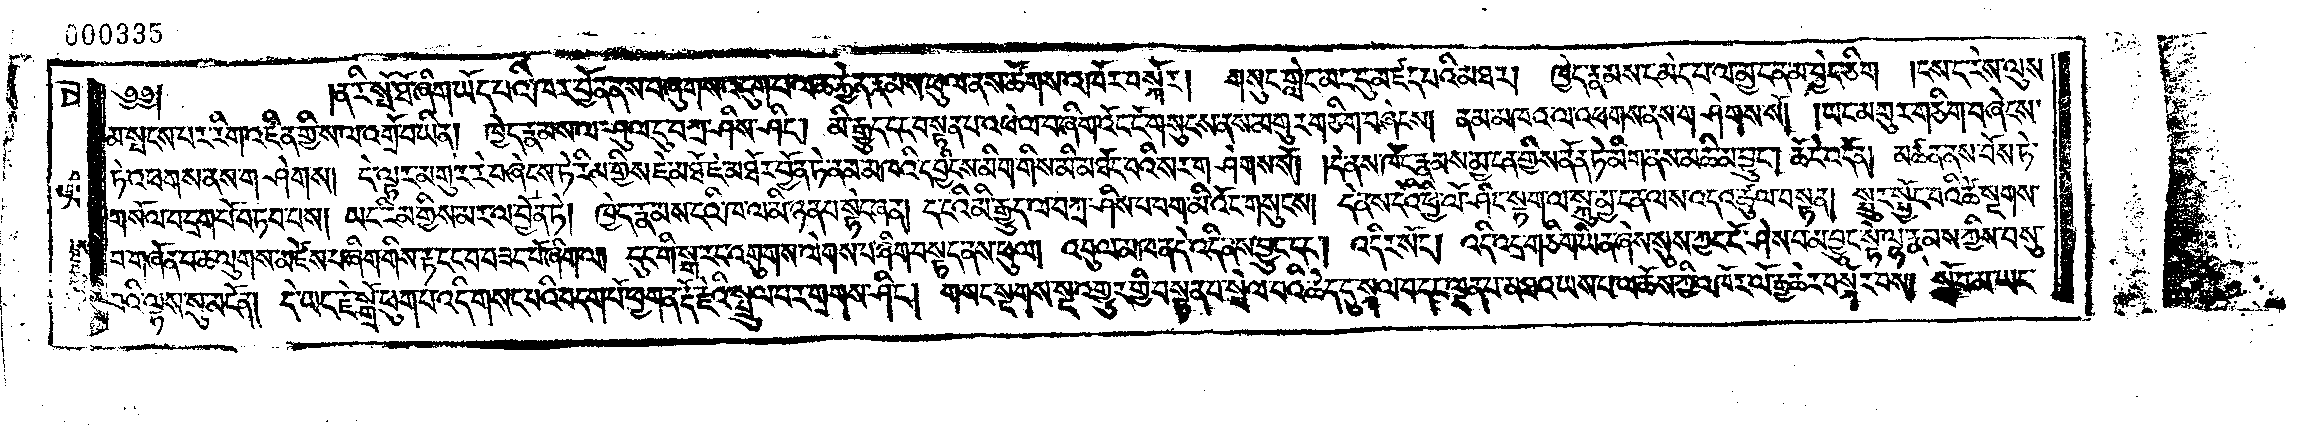༄༅། །ན་རི་སྤོ་ཐོ་ཞིག་ཡོད་པའི་ཁར་བྱོན་ནས་བཞུགས་འདུག་པ་ལ་ཆ་རྐྱེན་རྣམས་ཕུལ་ནས་ཚོགས་འཁོར་བསྐོར། གསུང་གླེང་མང་དུ་མཛད་པའི་མཐར། ཁྱེད་རྣམས་ང་མེད་པ་ལ་མྱ་ངན་མ་བྱེད་ཅིག །ངས་ད་རེས་ལུས་
མ་སྤངས་པར་རིག་འཛིན་གྱི་ས་ལ་འགྲོ་བ་ཡིན། ཁྱེད་རྣམས་ལ་ཤུལ་དུ་བཀྲ་ཤིས་ཤིང་། མི་རྒྱུད་དང་བསྟན་པ་འཕེལ་བ་ཞིག་འོང་ངོ་གསུངས་ནས་མགུར་གཅིག་བཞེངས། ནམ་མཁའ་ལ་འཕགས་ནས་གཤེགས་སོ། །ཡང་མགུར་གཅིག་བཞེངས་
ཏེ་འཕགས་ནས་གཤེགས། དེ་ལྟར་མགུར་རེ་བཞེངས་ཏེ་རིམ་གྱིས་ཇེ་མཐོ་ཇེ་མཐོར་བྱོན་ཏེ་ནམ་མཁའི་དབྱངས་མིག་གིས་མི་མཐོང་བའི་སར་གཤེགས་སོ། །དེ་ནས་ཁོང་རྣམས་མྱ་ངན་གྱིས་ནོན་ཏེ་མིག་ནས་མཆི་མ་བྱུང་། ཆོ་ངེ་འདོན། མཚན་ནས་པོས་ཏེ་
གསོལ་པ་དྲག་པོ་བཏབ་པས། ཡང་རིམ་གྱིས་མར་ལ་བྱོན་ཏེ། ཁྱེད་རྣམས་ངའི་ཁ་ལ་མི་ཉན་པ་སྟེང་ཞན། ད་ངའི་མི་རྒྱུད་ལ་བཀྲ་ཤིས་པ་བག་མི་འོང་གསུངས། དེ་ནས་དེའི་ཕྱི་ལོ་ཤིང་སྟག་ལ་སྐུ་མྱ་ངན་ལས་འདའ་ཚུལ་བསྟན། སྤུར་སྤྱོང་བའི་ཚེ་སྔགས་
བ་གཞོན་པ་ཆ་ལུགས་མཛེས་པ་ཞིག་གིས་རྟ་ངང་བ་བཟང་པོ་ཞིག་ལ། དུང་གི་སྒ་རང་འགུགས་ལེགས་པ་ཞིག་བསྟད་ནས་ཕུལ། འབུལ་མཁན་དེ་འདི་ནས་བྱུང་དང་། འདིར་སོང་། འདི་འདྲ་གཅིག་ཡིན་ཞེས་སུས་ཀྱང་ངོ་ཤེས་པ་མ་བྱུང་སྟེ་ལྷ་རྣམས་ཀྱིས་བསུ་
བའི་ལྟས་སུ་མངོན། དེ་ཡང་རྗེ་སྒྲོ་ཕུག་པ་འདི་གསང་པའི་བདག་པོ་ཕྱག་ན་རྡོ་རྗེའི་སྤྲུལ་པར་གྲགས་ཤིང་། གསང་སྔགས་སྔ་འགྱུར་གྱི་བསྟན་པ་སྤེལ་བའི་ཆེད་དུ་སྐལ་བ་དང་ལྡན་པ་མཐའ་ཡས་པ་ལ་ཆོས་ཀྱི་འཁོར་ལོ་རྒྱ་ཆེར་བསྐོར་བས། སློབ་མ་ཡང་